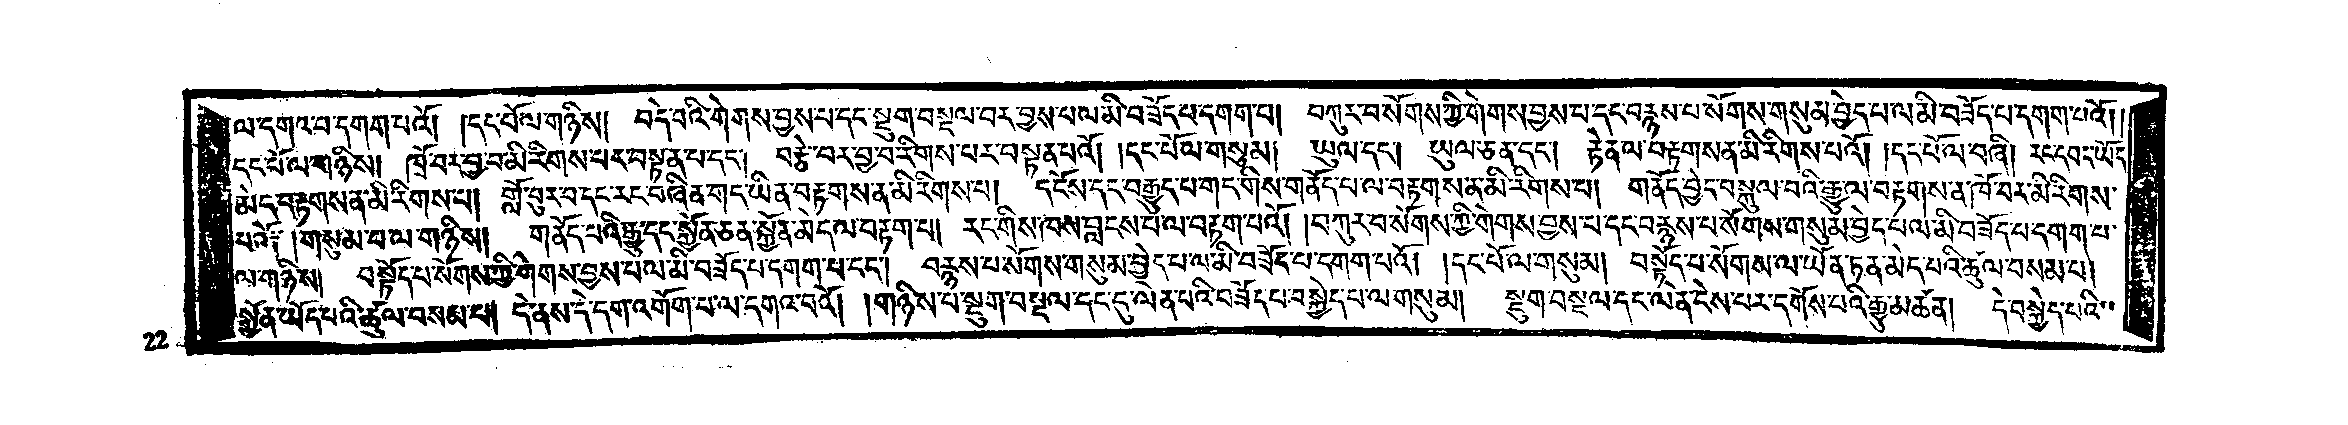ལ་དགའ་བ་དགག་པའོ། །དང་པོ་ལ་གཉིས། བདེ་བའི་གེགས་བྱས་པ་དང་སྡུག་བསྔལ་བར་བྱས་པ་ལ་མི་བཟོད་པ་དགག་པ། བཀུར་བ་སོགས་ཀྱི་གེགས་བྱས་པ་དང་བརྙས་པ་སོགས་གསུམ་བྱེད་པ་ལ་མི་བཟོད་པ་དགག་པའོ། །
དང་པོ་ལ་གཉིས། ཁྲོ་བར་བྱ་བ་མི་རིགས་པར་བསྟན་པ་དང་། བརྩེ་བར་བྱ་བ་རིགས་པར་བསྟན་པའོ། །དང་པོ་ལ་གསུམ། ཡུལ་དང་། ཡུལ་ཅན་དང་། རྟེན་ལ་བརྟགས་ན་མི་རིགས་པའོ། །དང་པོ་ལ་བཞི། རང་དབང་ཡོད་
མེད་བརྟགས་ན་མི་རིགས་པ། གློ་བུར་བ་དང་རང་བཞིན་གང་ཡིན་བརྟགས་ན་མི་རིགས་པ། དངོས་དང་བརྒྱུད་པ་གང་གིས་གནོད་པ་ལ་བརྟགས་ན་མི་རིགས་པ། གནོད་བྱེད་བསྐུལ་བའི་རྒྱུ་ལ་བརྟགས་ན་ཁྲོ་བར་མི་རིགས་
པའོ༑ །གསུམ་པ་ལ་གཉིས། གནོད་པའི་རྒྱུ་དང་སྐྱོན་ཅན་སྐྱོན་མེད་ལ་བརྟག་པ། རང་གིས་ཁས་བླངས་པ་ལ་བརྟག་པའོ། །བཀུར་བ་སོགས་ཀྱི་གེགས་བྱས་པ་དང་བརྙས་པ་སོགས་གསུམ་བྱེད་པ་ལ་མི་བཟོད་པ་དགག་པ་
ལ་གཉིས། བསྟོད་པ་སོགས་ཀྱི་གེགས་བྱས་པ་ལ་མི་བཟོད་པ་དགག་པ་དང་། བརྙས་པ་སོགས་གསུམ་བྱེད་པ་ལ་མི་བཟོད་པ་དགག་པའོ། །དང་པོ་ལ་གསུམ། བསྟོད་པ་སོགས་ལ་ཡོན་ཏན་མེད་པའི་ཚུལ་བསམ་པ།
སྐྱོན་ཡོད་པའི་ཚུལ་བསམ་པ། དེ་ནས་དེ་དག་འགོག་པ་ལ་དགའ་བའོ། །གཉིས་པ་སྡུག་བསྔལ་དང་དུ་ལེན་པའི་བཟོད་པ་བསྐྱེད་པ་ལ་གསུམ། སྡུག་བསྔལ་དང་ལེན་ངེས་པར་དགོས་པའི་རྒྱུ་མཚན། དེ་བསྐྱེད་པའི་